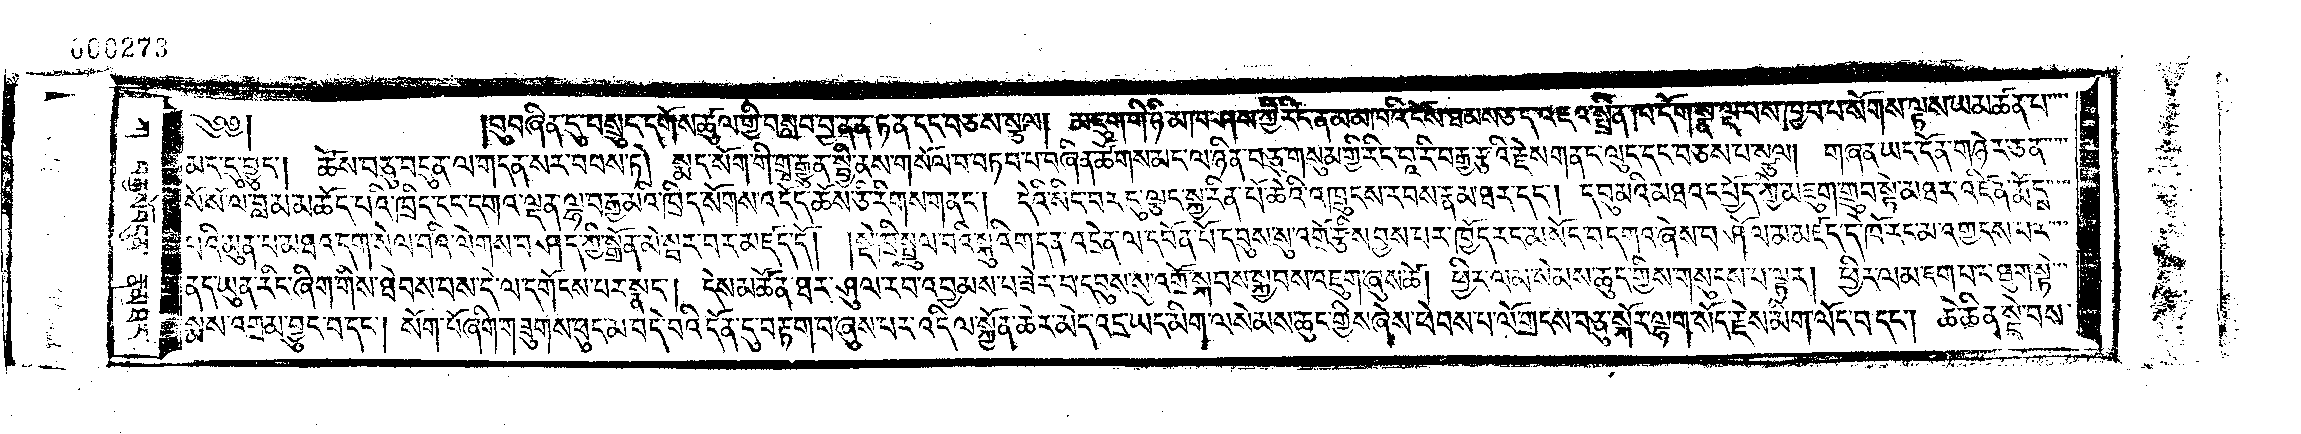༄༅། །བུ་བཞིན་དུ་བསྲུང་དགོས་ཚུལ་གྱི་བསླབ་བྱ་ནན་ཏན་དང་བཅས་སྩལ། མཇུག་གི་ཉི་མ་ཁ་ཤས་ཀྱི་རིང་ནམ་མཁའི་ངོས་ཐམས་ཅད་འཇའ་སྤྲིན་ཁ་དོག་སྣ་ལྔ་པས་ཁྱབ་པ་སོགས་ལྟས་ཡ་མཚན་པ་
མང་དུ་བྱུང་། ཚེས་བཅུ་བདུན་ལ་གདན་སར་བབས་ཏེ། སྨད་སོག་གི་གྲྭ་རྒྱུན་སྤྱི་ནས་གསོལ་བ་བཏབ་པ་བཞིན་ཚོགས་མང་ལ་ཉིན་བཅུ་གསུམ་གྱི་རིང་བཱ་རི་བརྒྱ་རྩའི་རྗེས་གནང་ལུང་དང་བཅས་པ་སྩལ། གཞན་ཡང་དོན་གཉེར་ཅན་
སོ་སོ་ལ་ལྦ་མ་མཆོད་པའི་ཁྲིད་དང་དགའ་ལྡན་ཧ་བརྒྱ་མའི་ཁྲིད་སོགས་འདོད་ཆོས་ཅི་རིགས་གནང་། དེའི་སེང་བར་དུ་ལྕང་སྐྱ་རིན་པོ་ཆེའི་འཁྲུངས་རབས་རྣམ་ཐར་དང་། དབུ་མའི་མཐའ་དཔྱོད་ཀྱི་མཇུག་གྲུབ་སྟེ་མཐར་འཛིན་རྨོངས་
པའི་མུན་པ་མཐའ་དག་སེལ་བའི་ལེགས་བཤད་ཀྱི་སྒྲོན་མེ་སྦར་བར་མཛད་དོ། །སྡེ་ཁྲི་སྤྲུལ་པའི་སྐུའི་གདན་འདྲེན་ལ་དབོན་པོ་དབུས་སུ་འགྲོ་རྩིས་བྱས་པར་ཁྱོད་རང་མ་སོང་བ་དགའ་ཞེས་བཤོལ་མ་མཛད་དེ་ཁོ་རང་མ་འགྱངས་པར་
ནད་ཡུན་རིང་ཞིག་གིས་ཐེབས་པས་དེ་ལ་དགོངས་པར་སྣང་། དེས་མཚོན་ཐར་ཤུལ་རབ་འབྱམས་པ་ཟེར་བ་དབུས་སུ་འགྲོ་སྐབས་སྐྱབས་འཇུག་ཞུས་ཚེ། ཕྱིར་ལམ་སེམས་ཆུང་གྱིས་གསུངས་པ་ལྟར། ཕྱིར་ལམ་ཇག་པར་ཐུག་སྟེ་
སྨས་འགྲམ་བྱུང་བ་དང་། སོག་པོ་ཞིག་གཟུགས་ཕུང་མ་བདེ་བའི་དོན་དུ་བརྟག་པ་ཞུས་པར་འདི་ལ་སྐྱོན་ཆེར་མེད་འདྲ་ཡང་མིག་ལ་སེམས་ཆུང་གྱིས་ཞེས་ཕེབས་པ་ལོ་གྲངས་བཅུ་སྐོར་ལྷག་སོང་རྗེས་མིག་ལོང་པ་དང་། ཆེ་ཆིན་སྡེབས་